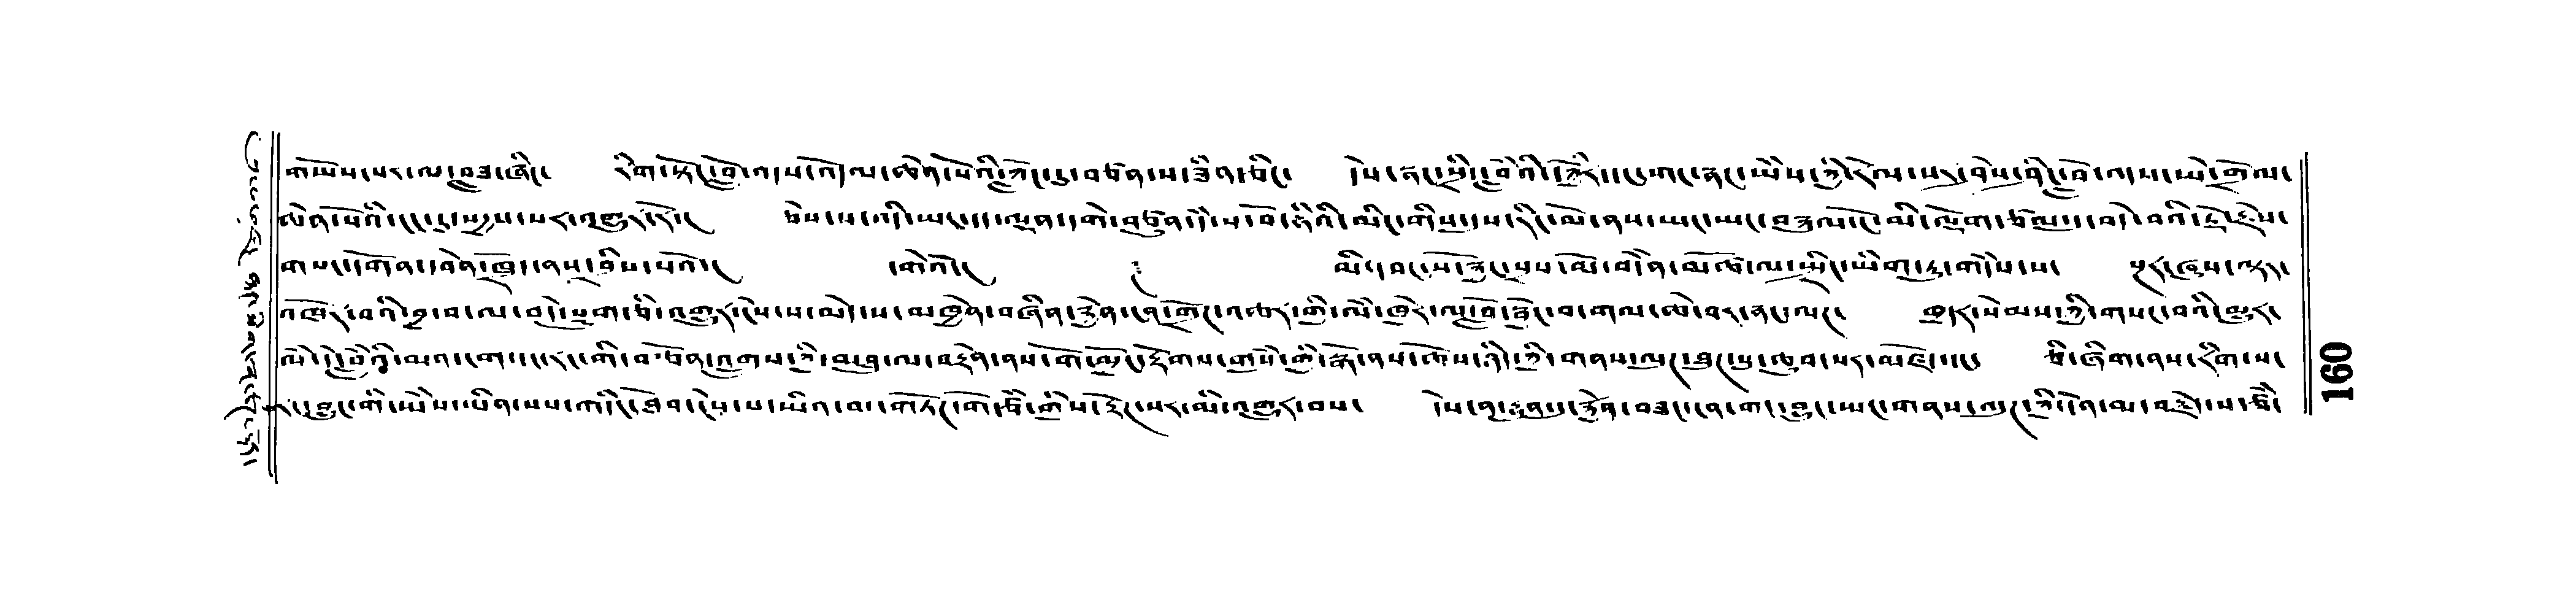གཡོས་པར་ལ་བཟླ་ཞིང་། རིག་སྟོང་བློ་འདས་འོད་གསལ་ཆེན་པོའི་ཀློང་དུ་བཙན་ས་ཟིན་ཅིང་། དེས་སྣང་སྲིད་བླ་མའི་དཀྱིལ་འཁོར་དང་གང་སྣང་ཡེ་ཤེས་ཀྱི་རོལ་པར་ཤེས་ཤིང་བློ་འདས་ཡེ་གྲོལ་
ཆེན་པོའི་ངང་དུ་སངས་རྒྱས་པར་འགྱུར་རོ། ཅེས་པ་འདི་ཡང་དད་ལྡན་དགེ་བཙུན་དམ་པ་བྷོ་དྷིའི་མིང་གིས་དུས་རིང་མོ་ནས་ཡང་ཡང་བསྐུལ་ངོ་མ་ལྡོག་ཙམ་དུ་བདེ་བའི་རྡོ་རྗེས་
གསང་དགོན་དབེན་ཁྲོད་ནས་བྲིས་པའོ།། དགེའོ།། ༈ མི་དབང་ས་སྐྱོང་སྲས་མོ་བདེ་ཆེན་མཚོ་ལ་སྤྲིངས་ཡིག་ཏུ་གདམས་པ། སྔར་ཞུས་ལྟར་
འཁོར་བའི་བྱ་བ་ལ་བདེ་སྡུག་ཅིར་འགྱུར་ངེས་པ་མེད་པ་མཁྱེན་བཞིན་རྐྱེན་ངན་གྲོགས་འཆར་གྱི་ལམ་ཁྱེར་ལ་བློ་སྦྱོང་བ་གལ་ཆེ་བར་སྣང་ལགས། ཁྱད་པར་སེམས་ཀྱི་གསང་བའི་མྱུར་
ལམ་དེ་བླ་མའི་མན་ངག་དང་རང་གི་བརྩོན་འགྲུས་ཀྱི་མཐུ་ལ་བརྟེན་ནས་གོ་མྱོང་རྟོགས་གསུམ་གྱི་སྒོ་ནས་ཆོས་ཉིད་ཀྱི་གནས་ལུགས་ཐུགས་སུ་ཆུབ་པར་མཛོད་དང་། ཅི་ཞིག་ནས་རིག་པ་
རང་བྱུང་གི་ཡེ་ཤེས་ཡིན་པས་གདིང་ཐོབ་ངེས་པ་ཡིན་མ་གཏོགས་གོ་ཙམ་གྱིས་རྟོགས་པར་མི་འགྱུར་བས། དེས་ན་རྒྱུན་དུ་རྐྱེན་བཟང་ངན་གང་བྱུང་ཡང་གནས་ལུགས་ཀྱི་དོན་མ་བརྗེད་པ་ཙམ་